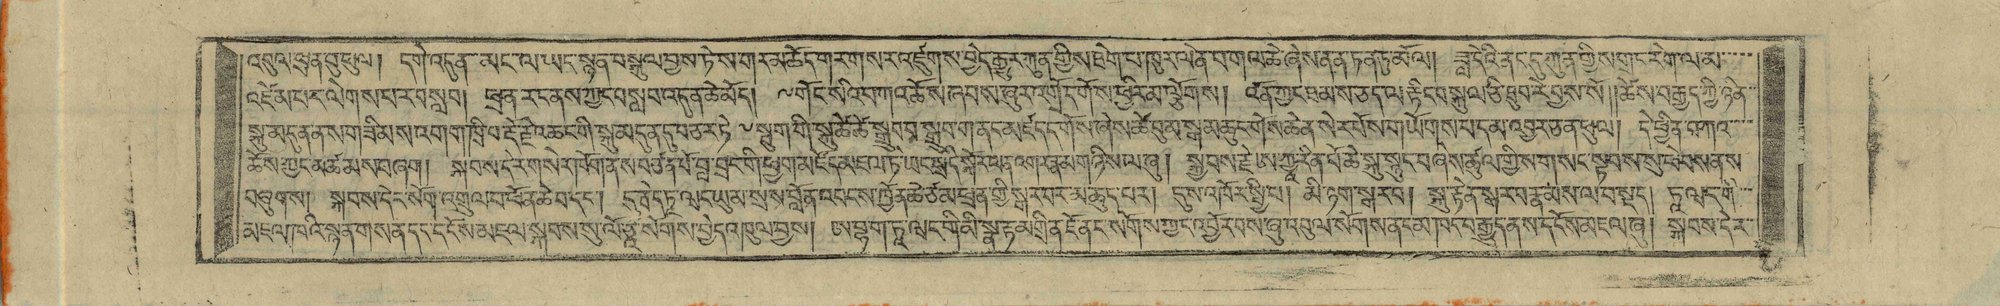འབུལ་ཕྲན་བུ་ཕུལ། དགེ་འདུན་མང་ལ་ཡང་སྙན་བསྐུལ་བྱས་ཏེ་ས་གར་མཆོད་གར་གསར་འཛུགས་བྱེད་རྒྱུར་ཀུན་གྱིས་ཐེག་པ་ཁུར་ལེན་བ་གལ་ཆེ་ཞེས་ནན་ཏན་དུ་མོལ། ཟླ་དེའི་ནང་དུ་ཀུན་གྱིས་གྲང་རེག་ལ་མ་
འཛེམ་པར་ལེགས་པར་བསླབ། ཕྲན་རང་ནས་ཀྱང་བསླབ་འདུན་ཆེ་མོད། ༧གོང་སའི་བཀའ་ཆོས་ཞབས་ཞུར་འགྲོ་དགོས་ཕྱིར་མ་ལྕོགས། འོན་ཀྱང་ཐམས་ཅད་ལ་རྟིང་བསྐུལ་ཅི་ཐུབ་རེ་བྱས་སོ། །ཚེས་བརྒྱད་ཀྱི་ཉིན་
སྐུ་མདུན་ནས་གཟིམས་འགག་ཁྲི་བ་རྡོ་རྗེ་འཆང་གི་སྐུ་མདུན་དུ་བཅར་ཏེ་༧སྦུག་གི་སྐུ་ཚེ་ཚེ་སྒྲུབ་བསྒྲུབ་གནང་མཛད་དགོས་ཞེས་ཚེ་བུམ་སྒམ་ཆུང་གོས་ཆེན་སེར་པོས་གཡོགས་པ་དམ་འབྱོར་ཙན་ཕུལ། དེ་ཕྱིན་བཀའ་
ཆོས་ཀྱང་མཚམས་བཞག །སྐབས་དེར་གསེར་ཁོག་ནས་བཙན་པོ་བླ་བྲང་གི་ཕྱག་མཛོད་མཇལ་ཏེ་ཡང་སྲིད་སྐོར་ལན་འགར་རྣམ་གཉིས་ལ་ཞུ། སྐྱབས་རྗེ་ཨ་ཀྱཱ་རིན་པོ་ཆེ་སྐུ་སྙུང་བཞེས་ཚུལ་གྱིས་གསང་སྟབས་སུ་ཕེབས་ནས་
བཞུགས། སྐབས་དེར་སོག་འགྲུལ་བ་ཕོན་ཆེ་བ་དང་། དུ་རྦེད་ཏཱ་ཝང་ཡུམ་སྲས་བློན་འབངས་ཁྱོན་ཆེ་ཙམ་ཕྲན་གྱི་སྒར་བར་མ་ཆུད་པར། དུས་འཁོར་སྤྱི་པ། མི་ཉག་སྒར་བ། སྐུ་རྟེན་སྒར་བ་རྣམས་ལ་བསྡད། ཏཱ་ཝང་གི་
མཇལ་ཁའི་སྙན་གསན་དང་དངོས་མཇལ་སྐབས་སུ་ལོ་ཙཱ་སོགས་བྱེད་འཁུལ་བྱས། ཨ་བྷ་ག་ཏཱ་ཝང་གི་མི་སྣ་རྟ་མགྲིན་ཇོ་ནང་སོགས་ཀྱང་འབྱོ་བས་ཞུ་འབུལ་སོགས་ནང་མཁན་བརྒྱུད་ནས་དངོས་མཇལ་ཞུ། སྐབས་དེར་